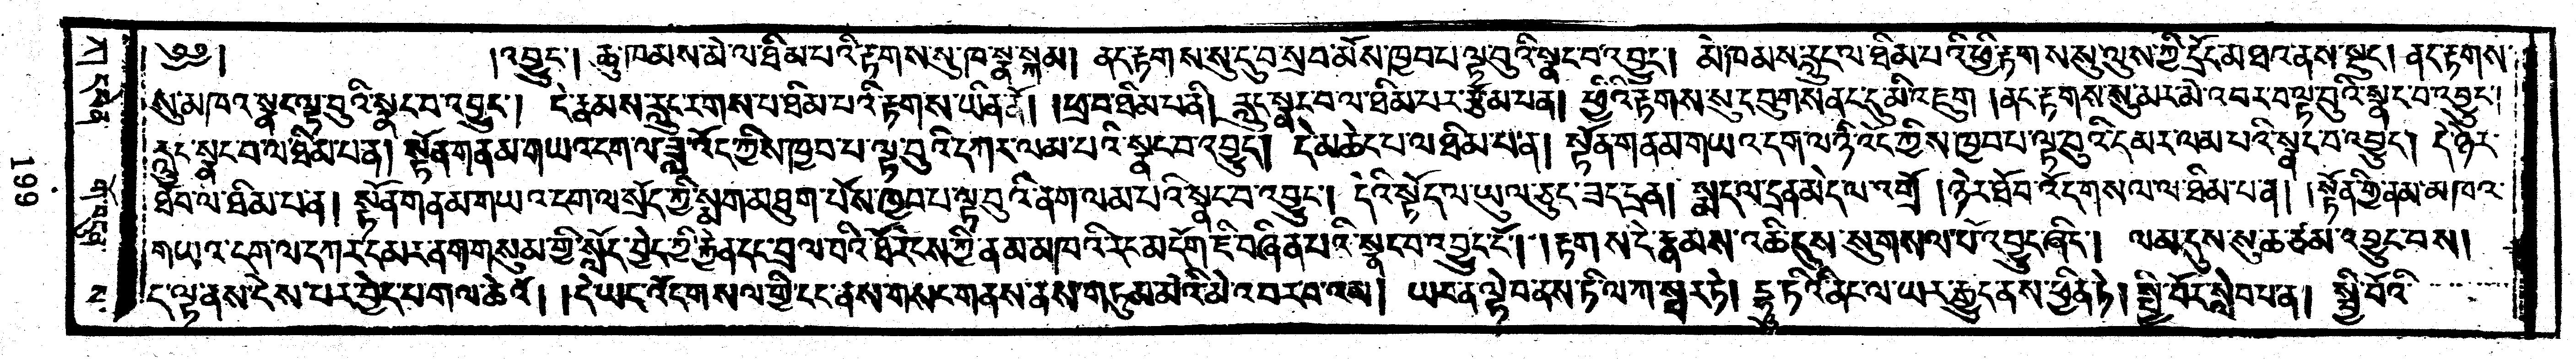༄༅། །འབྱུང་། ཆུ་ཁམས་མེ་ལ་ཐིམ་པའི་རྟགས་སུ་ཁ་སྣ་སྐམ། ནང་རྟགས་སུ་དུ་བ་སྲབ་མོས་ཁྱབ་པ་ལྟ་བུའི་སྣང་བ་འབྱུང་། མེ་ཁམས་རླུང་ལ་ཐིམ་པའི་ཕྱི་རྟགས་སུ་ལུས་ཀྱི་དྲོང་མཐའ་ནས་སྡུང་། ནང་རྟགས་
སུ་མཁའ་སྣང་ལྟ་བུའི་སྣང་བ་འབྱུང་། དེ་རྣམས་རླུང་རགས་པ་ཐིམ་པའི་རྟགས་ཡིན་ནོ། །ཕྲ་བ་ཐིམ་པ་ནི། རླུང་སྣང་བ་ལ་ཐིམ་པར་རྩོམ་པ་ན། ཕྱིའི་རྟགས་སུ་དབུགས་ནང་དུ་མི་འཇུག །ནང་རྟགས་སུ་མར་མེ་འབར་བ་ལྟ་བུའི་སྣང་བ་འབྱུང་།
རླུང་སྣང་བ་ལ་ཐིམ་པ་ན། སྟོན་གནམ་གཡའ་དག་ལ་ཟླ་འོད་ཀྱིས་ཁྱབ་པ་ལྟ་བུའི་དཀར་ལམ་པའི་སྣང་བ་འབྱུང་། དེ་མཆེད་པ་ལ་ཐིམ་པ་ན། སྟོན་གནམ་གཡའ་དག་ལ་ཉི་འོད་ཀྱིས་ཁྱབ་པ་ལྟ་བུའི་དམར་ལམ་པའི་སྣང་བ་འབྱུང་། དེ་ཉེར་
ཐོབ་ལ་ཐིམ་པ་ན། སྟོན་གནམ་གཡའ་དག་ལ་སྲོད་ཀྱི་སྨག་མཐུག་པོས་ཁྱབ་པ་ལྟ་བུའི་ནག་ལམ་པའི་སྣང་བ་འབྱུང་། དེའི་སྟོད་ལ་ཡུལ་ཅུང་ཟད་དྲན། སྨད་ལ་དྲན་མེད་ལ་འགྲོ། ཉེར་ཐོབ་འོད་གསལ་ལ་ཐིམ་པ་ན། །སྟོན་གྱི་ནམ་མཁའ་
གཡའ་དག་ལ་དཀར་དམར་ནག་གསུམ་གྱི་སློད་བྱེད་ཀྱི་རྐྱེན་དང་བྲལ་བའི་ཐོ་རེངས་ཀྱི་ནམ་མཁའི་རང་མདོག་ཇི་བཞིན་པའི་སྣང་བ་འབྱུང་ངོ། །རྟགས་དེ་རྣམས་འཆི་དུས་སུ་གསལ་པོ་འབྱུང་ཞིང་། ལམ་དུས་སུ་ཆ་ཙམ་འབྱུང་བས།
ད་ལྟ་ནས་ངེས་པར་བྱེད་པ་གལ་ཆེའོ། །དེ་ཡང་འོད་གསལ་གྱི་དང་ནས་གསང་གནས་ནས་གཏུམ་མེའི་མེ་འབར་བ་འམ། ཡང་ན་ལྟེ་བ་ནས་ཏི་ལ་ཀ་སྦར་ཏེ། དྷཱུ་ཏིའི་ནང་ལ་ཡར་རྒྱུད་ནས་ཕྱིན་ཏེ། སྤྱི་བོར་སླེབ་པ་ན། སྤྱི་བོའི་